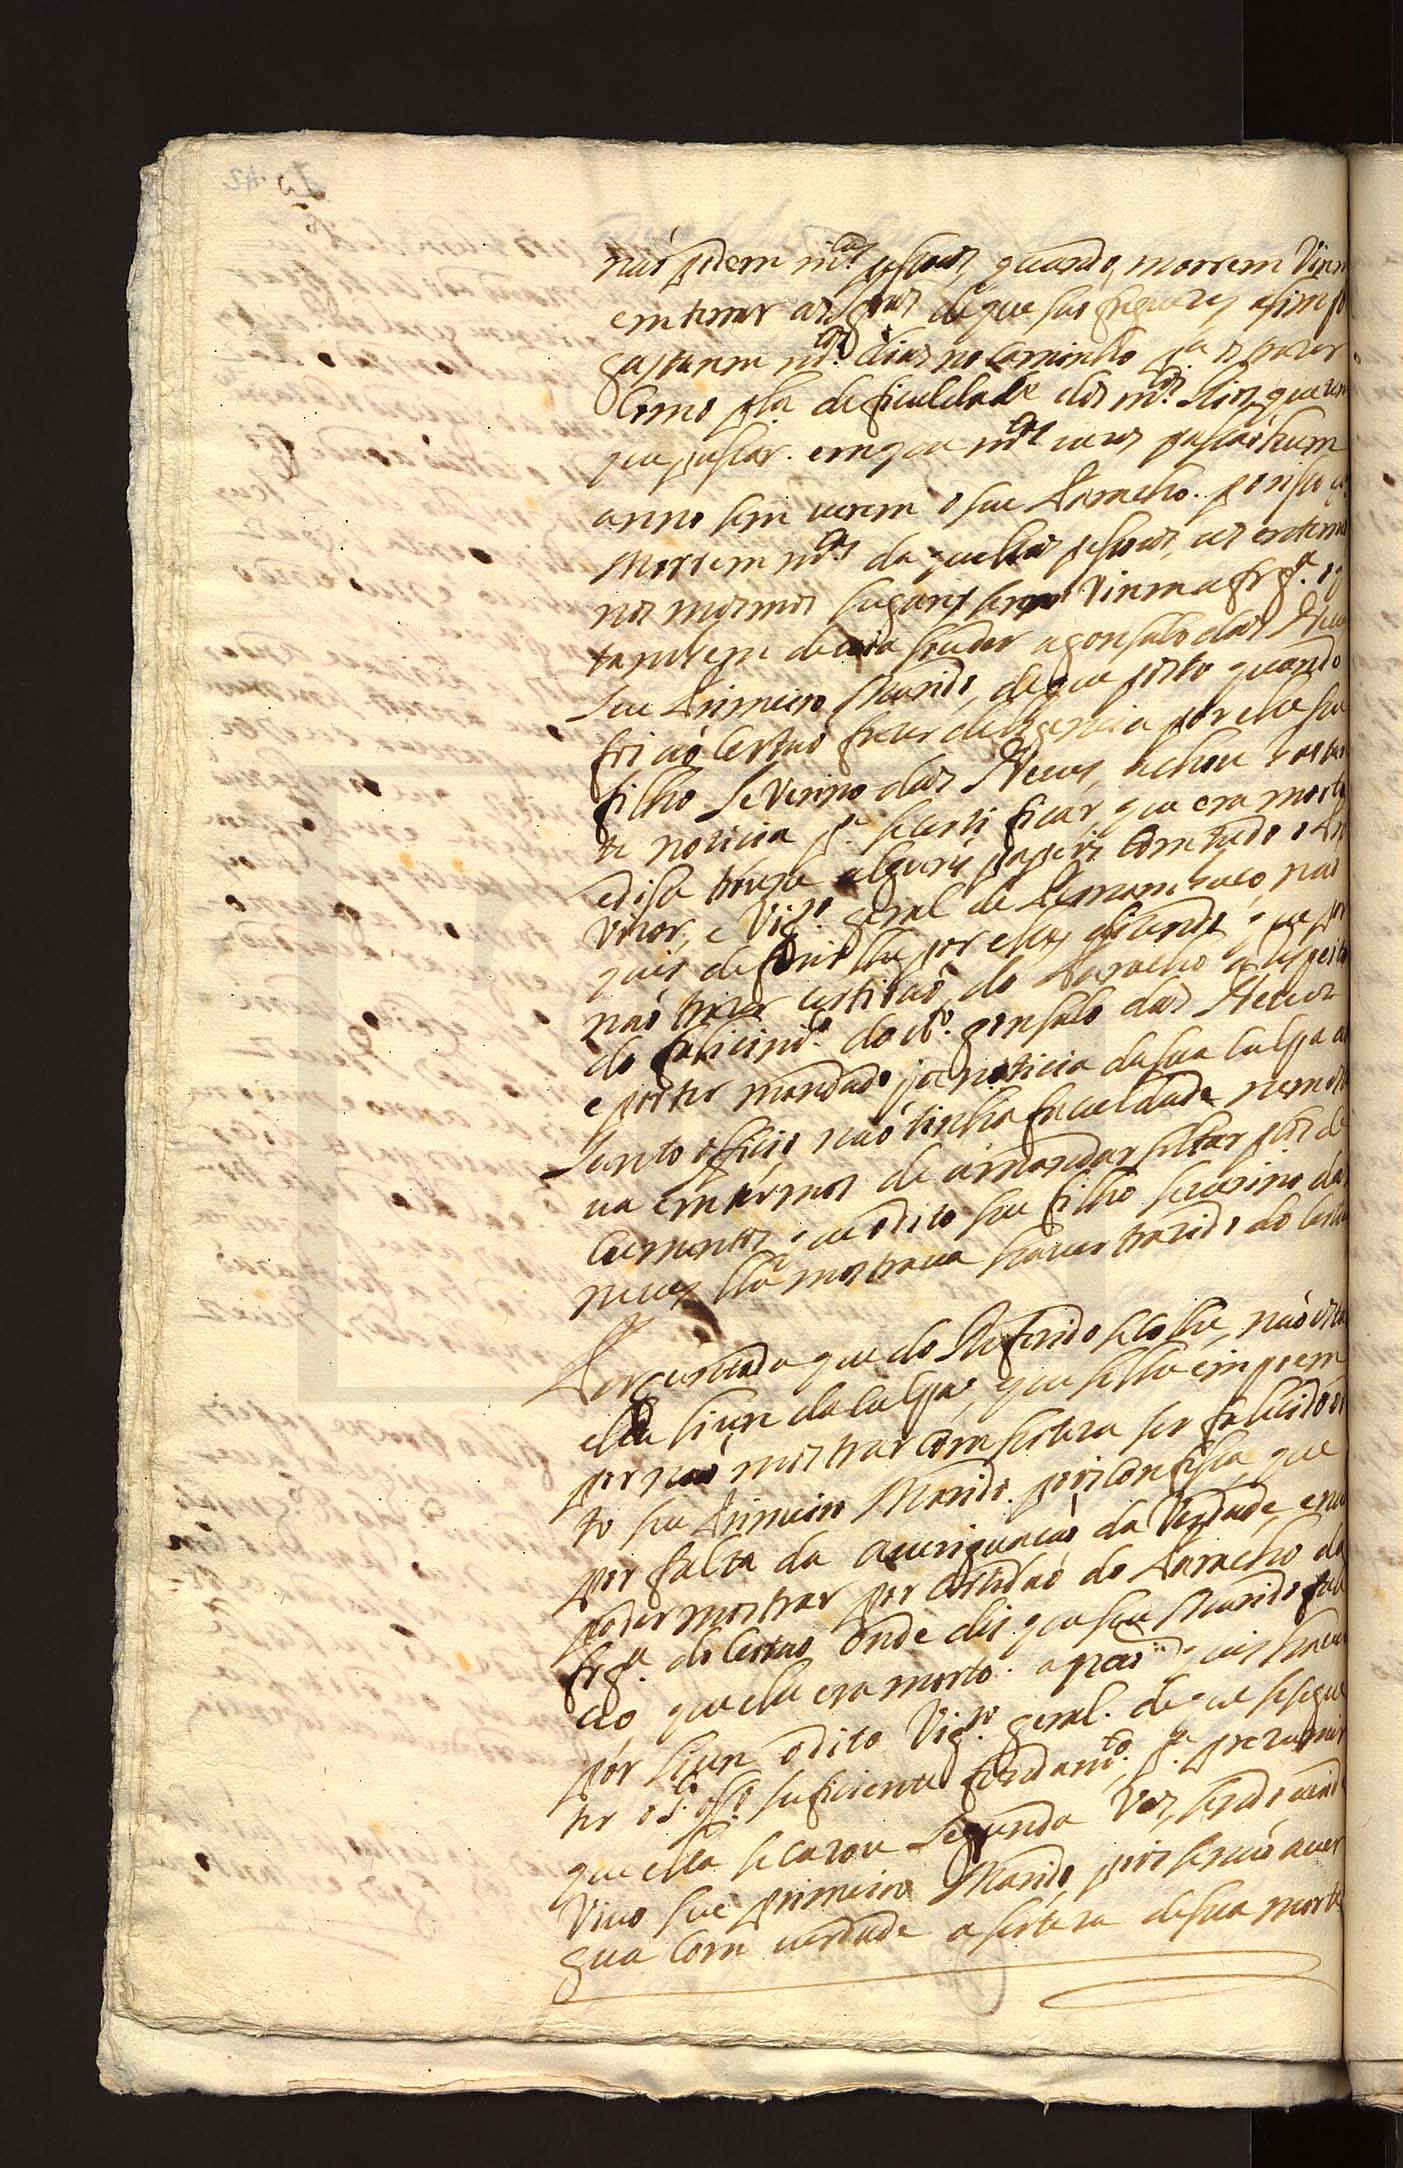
naõ podem m.tas pessoas, quando morrem Vire
emterrar as Igras de que seus freguezes asim p
gastarem m.tos dias no caminho p.a os trazer
Como pla deficuldade dos m.tos Rios que tem
que passar. em que mtas uezes passaõ hum
anno sem uerem o seu Parocho: por isso
morrem m.tas daquellas pessoas, as enterra
nos mesmos lugares sem virem a freg.a o q̄
tambem de deuia sondar a gonsalo das Neu
seu Primeiro Marido, de que posto quando
foi ao certaõ fazer delligencia por elle seu
filho Severino das Neues, achou bastan
te noticia pa. se certificar que era morto
e disse trouxe algun̄s papeis comtudo o Pro
uizor, e Vig.ro geral de Pernambuco, naõ
quis deferirlhe por elles dizendo que pr
naõ trazer certidaõ do Paracho a Respeito
do falicim.to do d.o gonsalo das Neuez
e por ter mandado ja noticia da sua Culpa a
Santo officio naõ tinha faculdade nem
ua em termos de a mandar soltar plos do
cumentos que o dito seu filho Seuerino da
neues lha mostraua hauer trazido do Cert
Perguntada que do Referido se colhe, naõ esta
elle liure da culpa, que se lhe imprem
por naõ mostrar com serteza ser falecido di
to seu Primeiro Marido pois Confessa, que
por falta da aueriguaçaõ da Verdade e não
poder mostrar por certidaõ do Paracho da
frg.a do Certao onde dis que seu Marido fale
ceo que elle era morto: a naõ quis hauer
por liure o dito Vig.ro geral. de que se segue
ter o S.o off.o suficiente fundamto., p.a prezumir
que ella se cazou segunda vez, sendo aind
Viuo seu primeiro Marido, pois senaõ auer
gua com uerdade a serteza de sua morte
